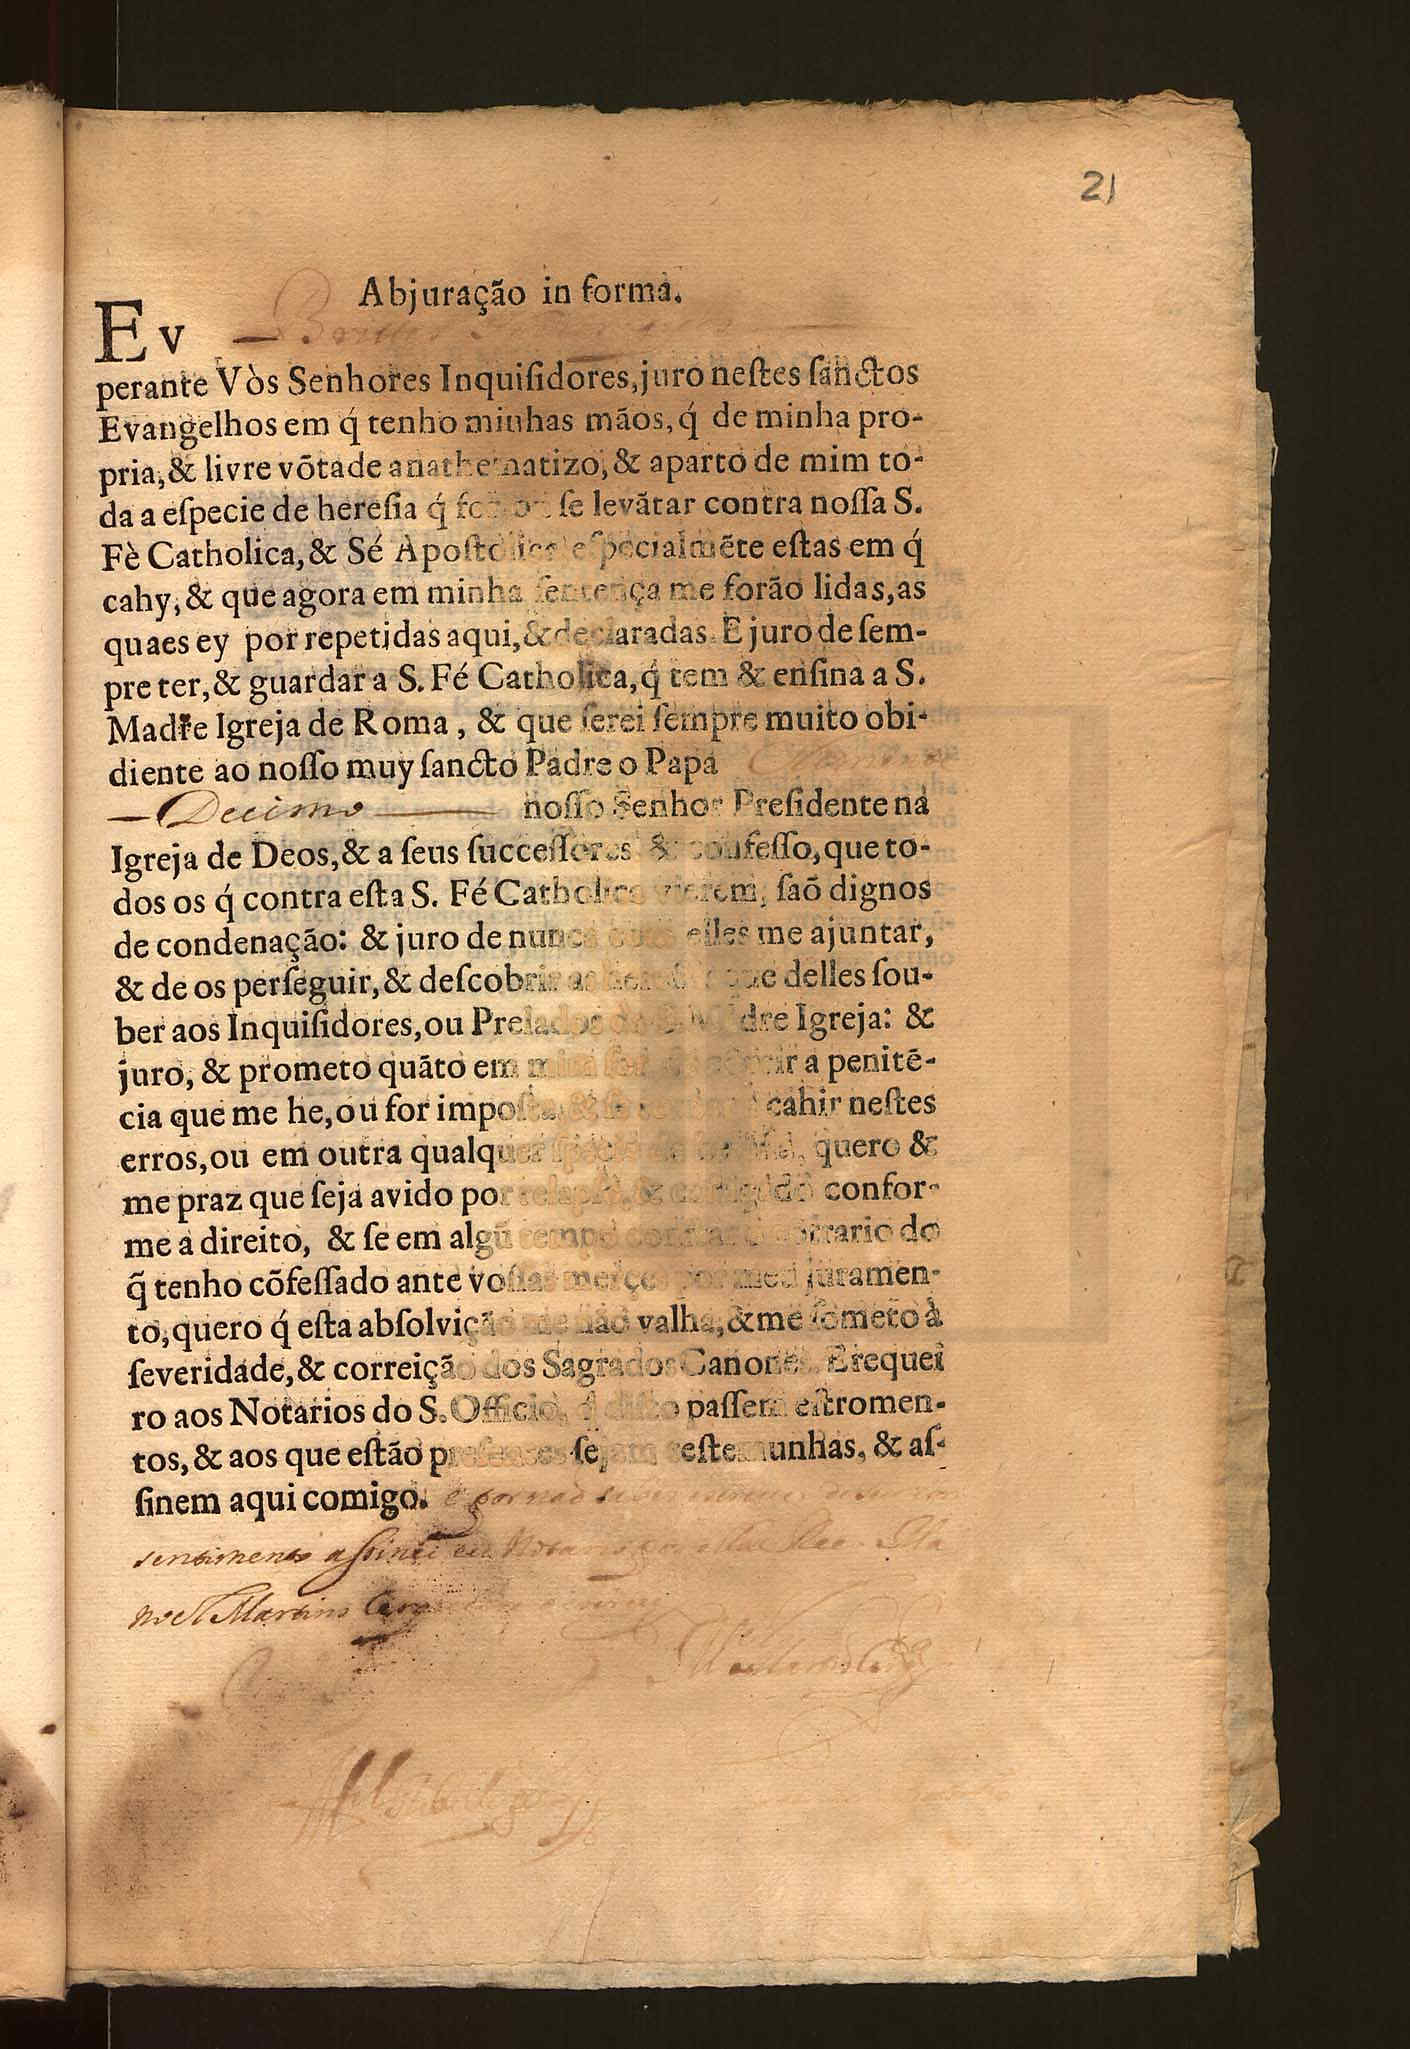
Abjuração in forma.
EV - Brittes Henriques
perante Vòs Senhores Inquisidores, juro nestes sanctos
Evangelhos em q̄ tenho minhas mãos, q̄ de minha pro
pria, & livre vōtade anathematizo, & aparto de mim to
da a especie de heresia q̄ for ou se levātar contra nossa S.
Fé Catholica, & Sé Apostolica especialmēte estas em q̄
cahy, & que agora em minha sentença me forão lidas, as
quaes ey por repetidas aqui, & declaradas. E juro de sem
pre ter, & guardar a S. Fé Catholica, q̄ tem & ensina a S.
Madre Igreja de Roma, & que serei sempre muito obi
diente ao nosso muy sancto Padre o Papa Clemente
- Decimo - nosso Senhor Presidente na
Igreja de Deos, & a seus successores & confesso, que to
dos os q̄ contra esta S. Fé Catholica vierem, saõ dignos
de condenação: & juro de nunca com elles me ajuntar,
& de os perseguir, & descobrir _ que delles sou
ber aos Inquisidores, ou Prelados da S. Madre Igreja: &
juro, & prometo quāto em mim for de cumprir a penitē
cia que me he, ou for imposta, & se tornar a cahir nestes
erros, ou em outra qualquer specie de _ _, quero &
me praz que seja avido por relapso & castigado confor
me a direito, & se em algū tempo _ _ contrario do
q̄ tenho cōfessado ante vossas merces _ juramen
to, quero q̄ esta absolvição me não valha, & me someto à
severidade, & correição dos Sagrados Canones E requei
ro aos Notarios do S. Officio q̄ disto passem estromen
tos, & aos que estão presentes sejam testemunhas, & as
sinem aqui comigo. e por naõ saber escreuer de seu con
sentimento assinei eu notario por ella Ree. Ma
noel Martins Cerqueira o escreui
